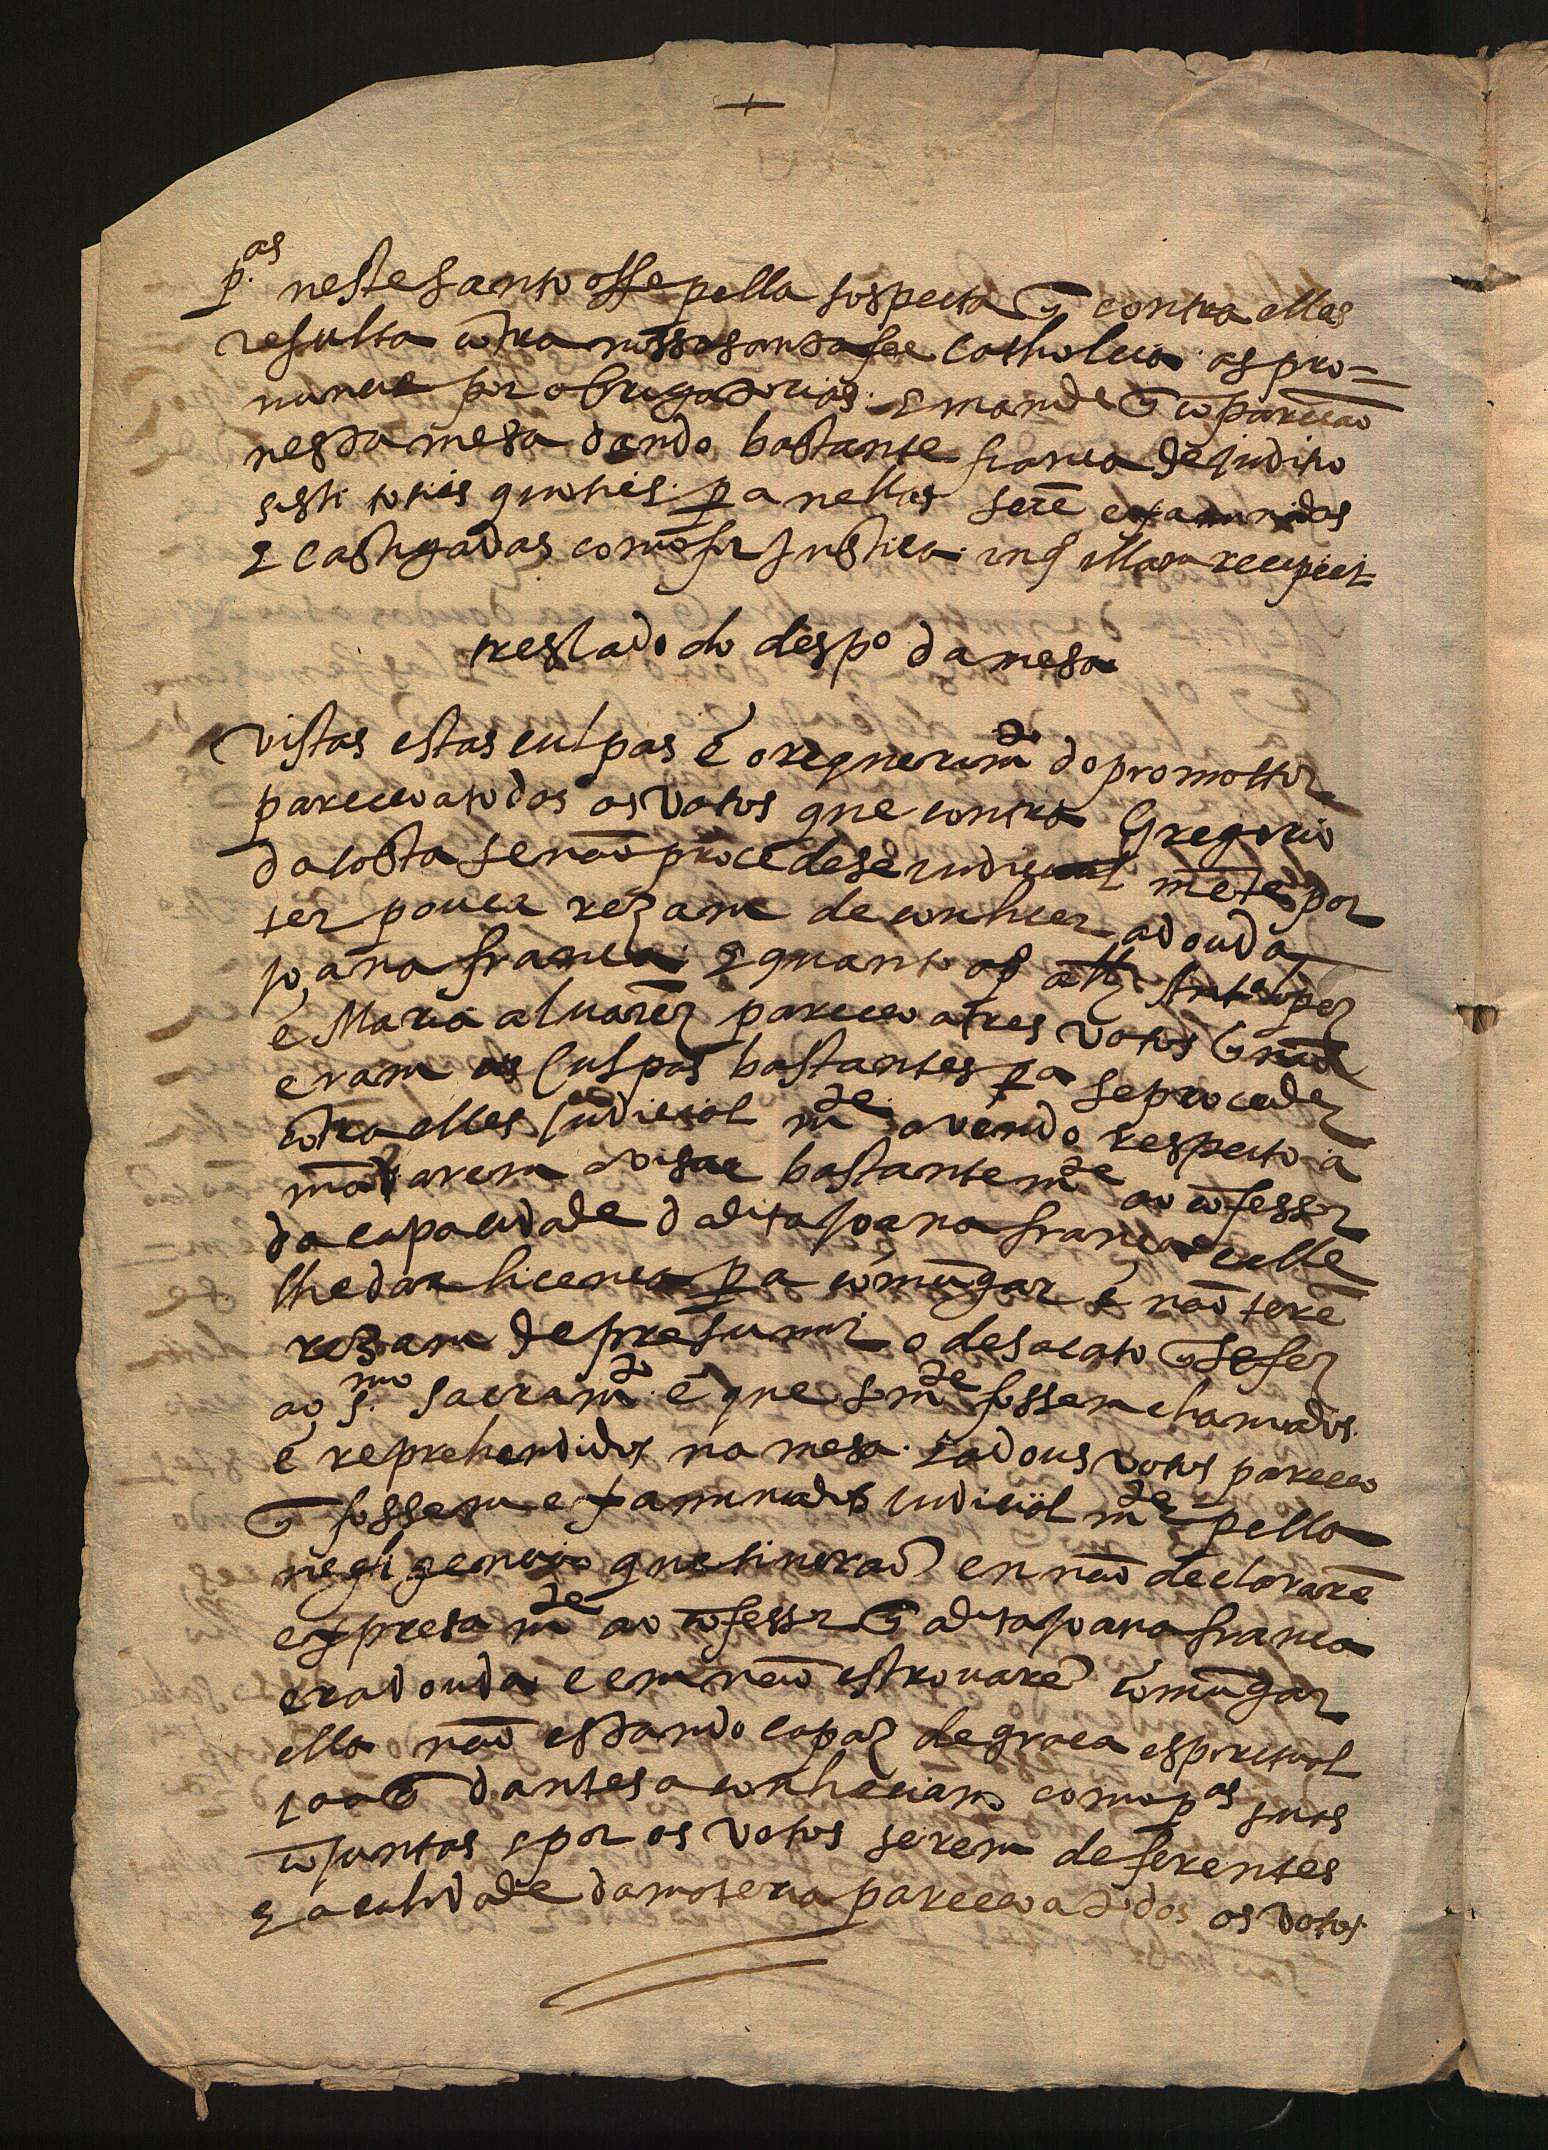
p.as neste santo offo pella sospeita q̄ contra elles
resulta cōtra nossa santa fee catholica as pro
nuncie por obrigatorias. E mande q̄ cōpareçaõ
nesta mesa dando bastante fiança de Juditio
sisti totiis quosies ꝑa nellas serē examinadas
e castigadas como for Justiça in qo illam recepiet
treslado do despo da mesa
vistas estas culpas e o requerimto do promottor
pareceo a todos os votos que contra Gregorio
da costa se não procedese judicialmēte por
ter pouca rezam de conhecer a douda
Joana franca E quanto a po āllz Anto lopez
e Maria aluarez pareceo a tres votos q̄ não
eram as Culpas bastantes ꝑa se proceder
cōtra elles judicialmte avendo respeito a
mādarem avisar bastantemte ao cōfessor
da capacidade da dita Joana franca e elle
lhe dar licença ꝑa comūgar e não terē
rezam de presumir o desacato q̄ se fez
ao s.mo sacramto. e que somte fossem chamados
e reprehendidos na mesa. E a dous votos pareceo
q̄ fossem examinados judicialmte pella
negligencia que tiueraõ en não declararē
expresamte ao c̄ofessor q̄ a dita Joana franca
era douda e em não estrouarē cōmūgar
ella não estando capaz de graça espiritual
jaa q̄ dantes a conheciam como pas suas
c̄oJuntas E por os votos serem deferentes
E a calidade da materia pareceo a todos os votos
